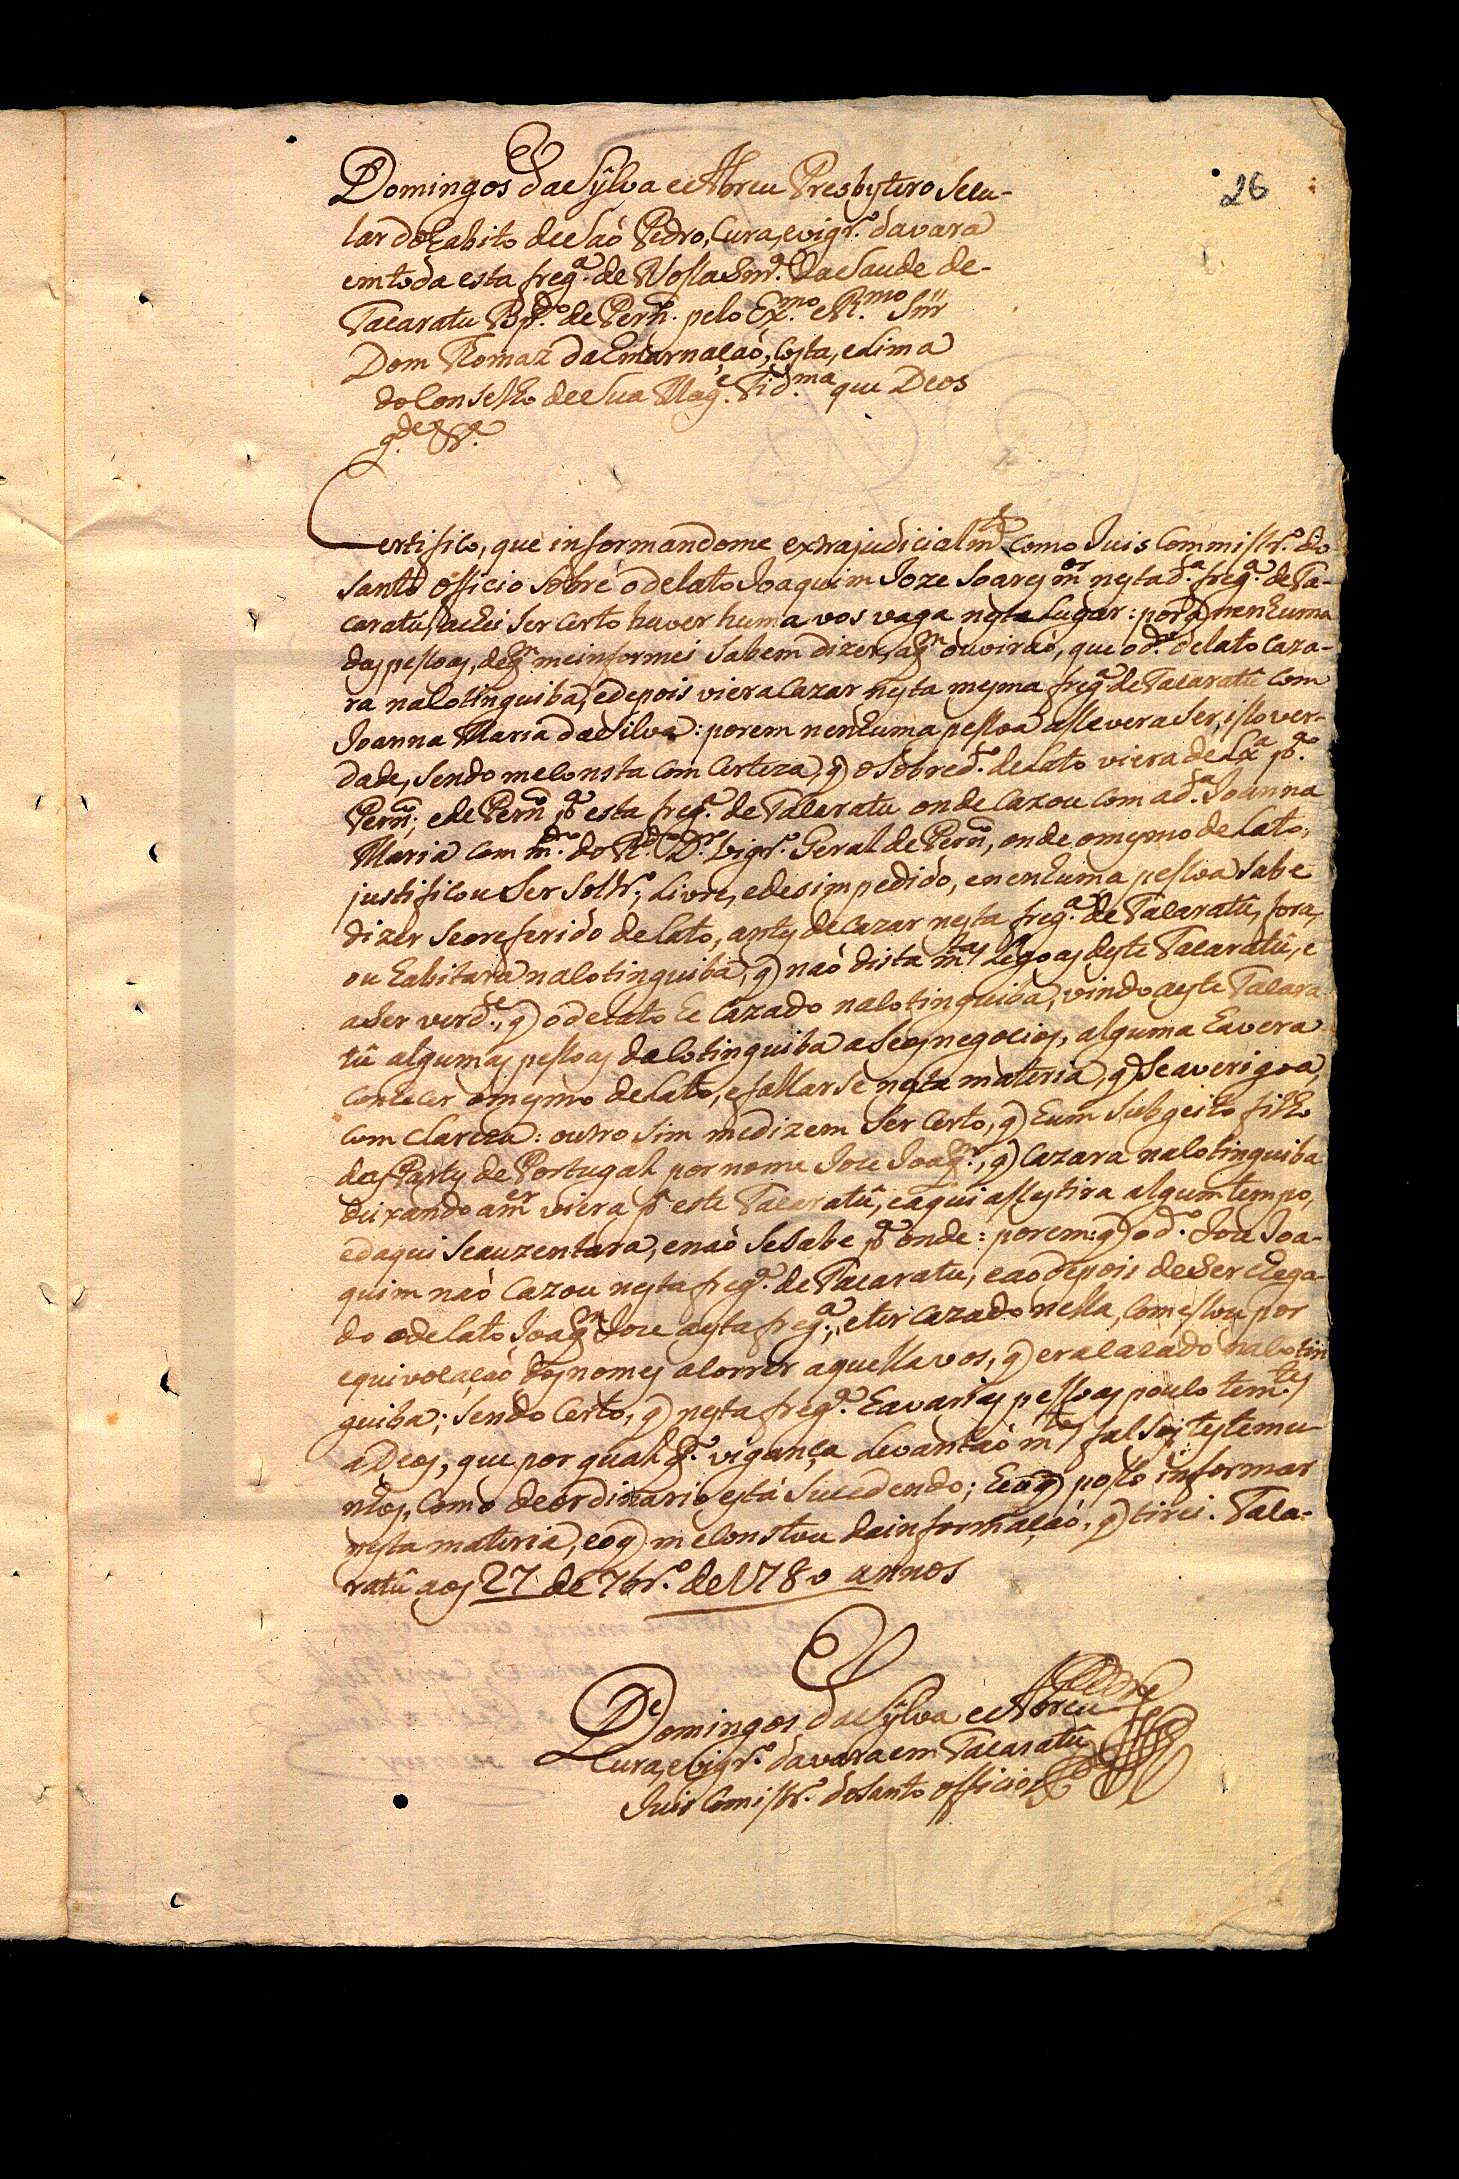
Domingos da Sylva e Abreu Presbytero Secu
Lar do habito de Saõ Pedro, Cura, e vigr.o da vara
em toda esta freg.a de Nossa Snr.a da Saude de
Tacaratu Bp.do de Pern.co pelo Ex.mo e R.mo Snr̄
Dom Thomaz da Emcarnaçaõ, Costa, e Lima
do Conselho de Sua Mag.e Fid.ma que Deos
g.de &r.a
Certifico, que informandome extrajudicialmte como Iuis Commmissr.o do
santo officio sobre o delato Ioaquim Ioze Soares mor nesta d.a freg.a de Ta
caratú, achei ser certo haver huma vos vaga nesta Lugar: porq̄ nenhuma
das pessoas, de qm me informei sabem dizer, a qm ouviraõ, que o d.o delato caza
ra na Cotinguiba, e depois viera cazar nesta mesma freg.a de Tacaratú com
Ioanna Maria da Silva: porem nenhuma pessoa assevera ser, isso ver
dade, sendo me consta com certeza q̄ o sobred.o deLato viera de Lxa p.a
Pernco; e de Pernco pa esta freg.a de Tacaratu onde cazou com a d.a Ioanna
Maria com m.do do R.do D.r Vigr.o Geral de Pernco, onde o mesmo deLato,
justificou Ser soltr.o; Livre, e desimpedido, e nenhuma pessoa sabe
dizer se o referido deLato, antes de cazar nesta freg.a de Tacaratú, fora
ou habitara na Contiguiba, q̄ naõ dista mtas Legoas deste Tacaratú, e
a Ser verd.e. q̄ o deLato he cazado na Contiguiba, vindo a este Tacara
tú algumas pessoas da Continguiba a Seos negocios, alguma havera
conhecer o mesmo deLato, e fallarse nesta materia, q̄ Se averigoa,
com cLareza: outrosim me dizem Ser certo, q̄ hum Subgeito filho
das Partes de Portugal por nome Ioze Ioaq.m, q̄ cazara na Continguiba
deixando a mer viera pa este Tacaratú, e aqui assestira algum tempo,
e daqui se auzentara, e naõ se Sabe pa onde: porem: q̄ o d.o Ioze Ioa
quim naõ Cazou nesta freg.a de Tacaratú, e ao depois de Ser chega
do o delato Ioaqm Ioze a esta freg.a, e ter cazado nella, comessou por
equivocaçaõ dos nomes a correr aquella vos, q̄ era cazado na cotin
guiba; sendo Certo, q̄ nesta freg.a ha varias pessoas pouco tem.tes
a Deos, que por quaLq̄r vingança Levantaõ mtos falsos testemu
nhos, Como de ordinario está Sucedendo; he o q̄ posso informar
nesta materia, e o q̄ me constou de informaçaõ, q̄ tirei. Taca
ratú aos 27 de 7br.o de 1780 annos
Domingos da Sylva e Abreu
Cura e vigr.o da vara em Tacaratú
Iuis Comissr.o do Santo officio
